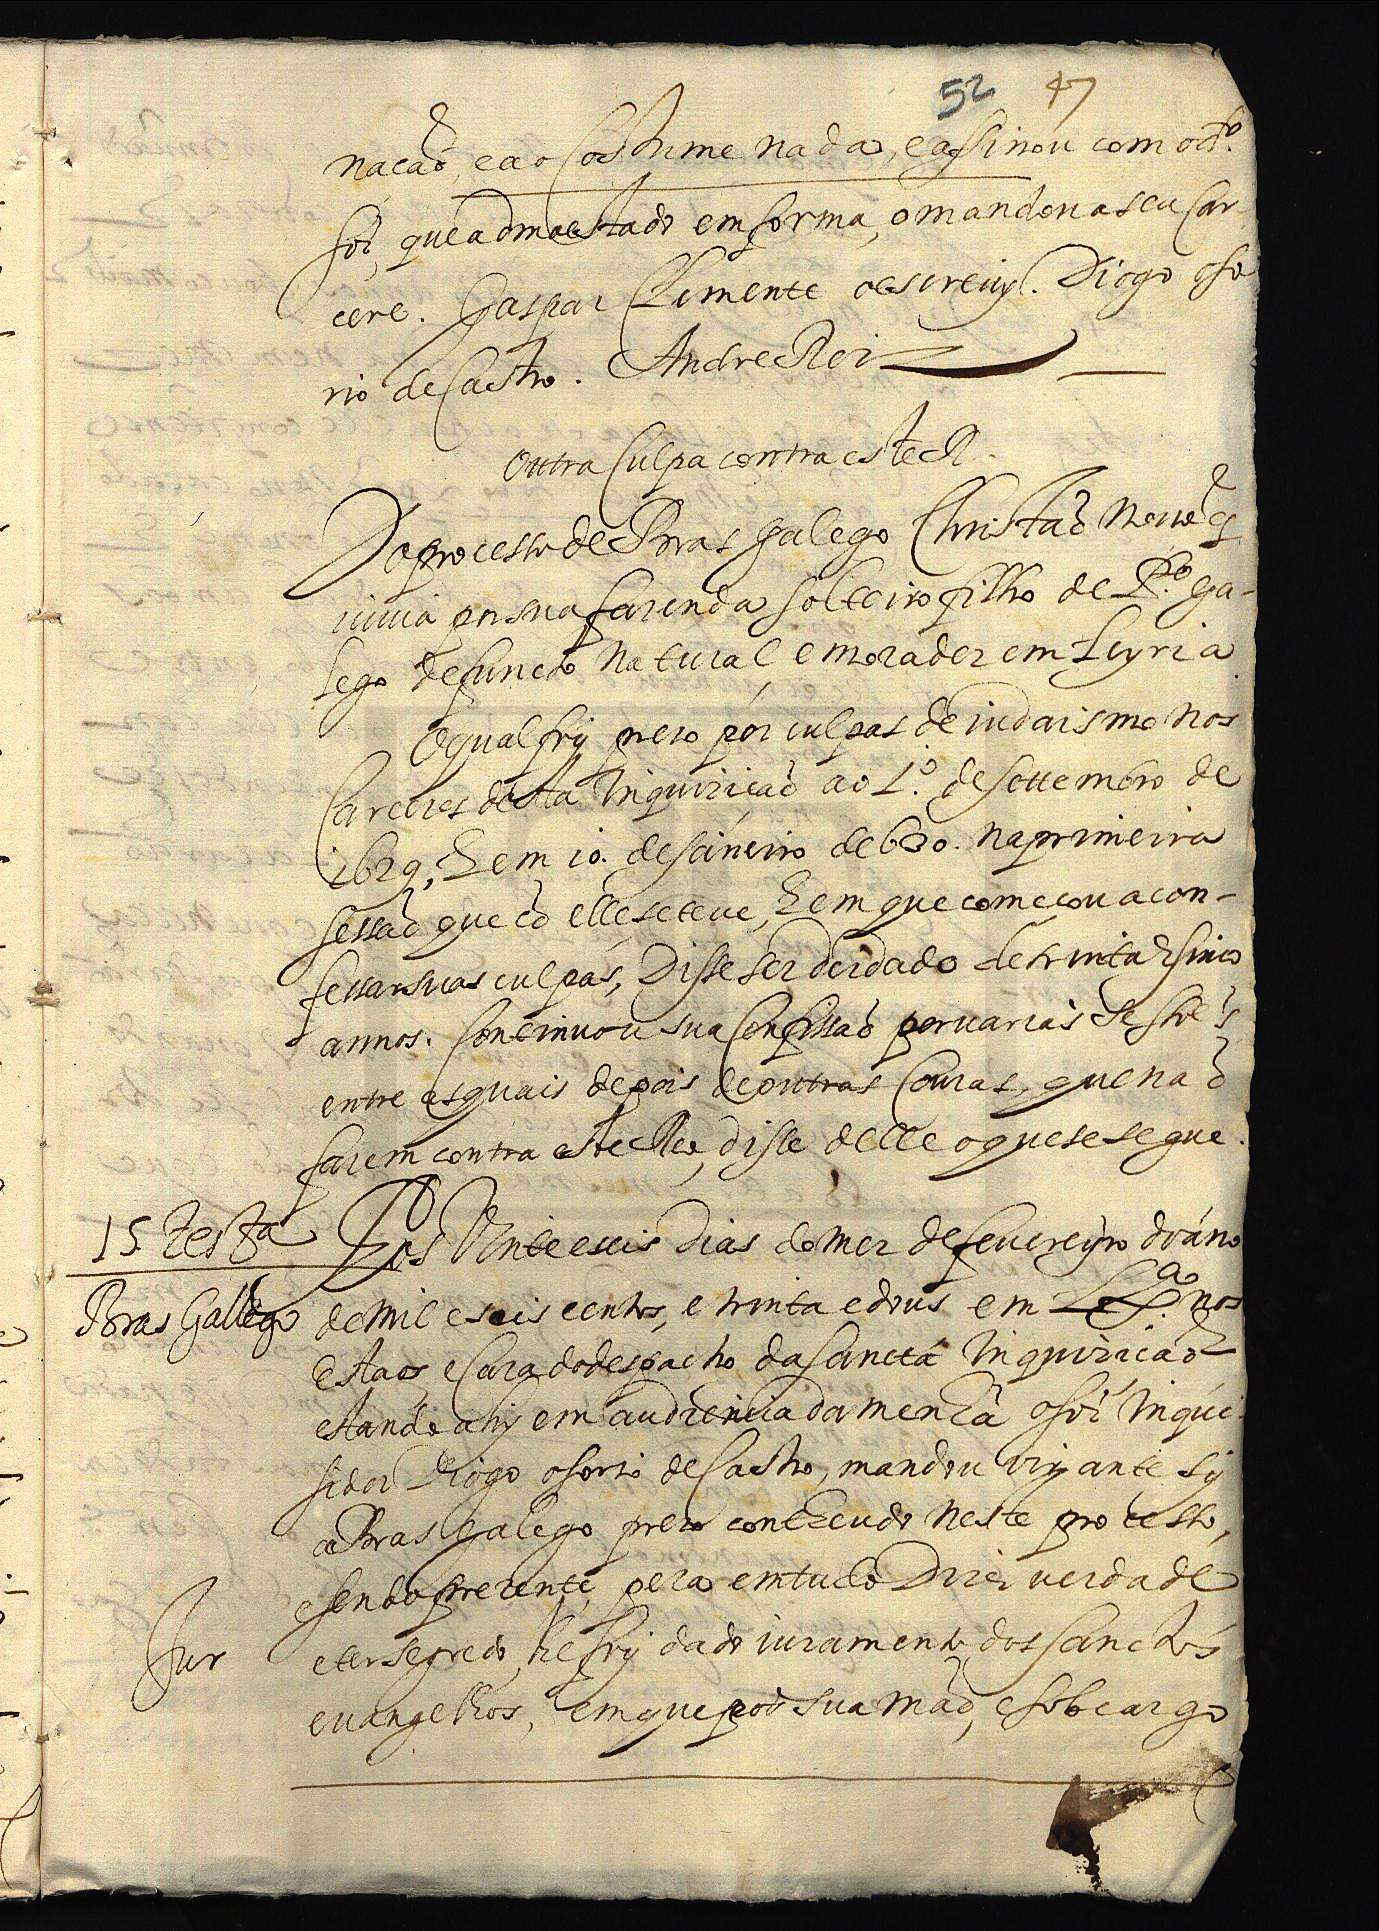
15 testa
Bras Gallego
Jur
nação, e ao Costume nada, e assinou com o d̄o.
sor̄, que admoestado em forma, o mandou a seu Car
cere. Gaspar Clemente o escreuy. Diogo oso
rio de Castro. Andre Roiz
Outra Culpa contra este R.
Do processo de Bras Galego Christaõ nouo q̄
uiuia por sua fazenda solteiro filho de P.o Ga
Lego defuncto natural, e morador em Leyria
O qual foy prezo por culpas de iudaismo nos
Carceres desta Inquiziçaõ ao 1.o de Settembro de
1629. E em 10. de janeiro de 630. na primeira
sessaõ que cō elle se teue, E em que começou a con
fessar suas culpas, Disse ser de idade de trinta E sinco
annos. Continuou sua Confissaõ per uarias sessões
entre as quais depois de outras Couzas, que naõ
fazem contra este Reo, disse delle o que se segue.
Aos Vinte e seis dias do mez de feuereyro do ano
de mil e seiscentos, e trinta e dous em Lx.a nos
Estaos, e Caza do despacho da Sancta Inquiziçaõ
estando ahy em audiencia da menhā o sor̄ Inqui
sidor Diogo osorio de Castro, mandou vir ante sy
a Bras Galego prezo contheudo neste processo,
e sendo prezente, pera em tudo Dizer uerdade
e ter segredo, lhe foy dado iuramento dos Sanctos
euangelhos, em que pos sua maõ, e sob cargo
